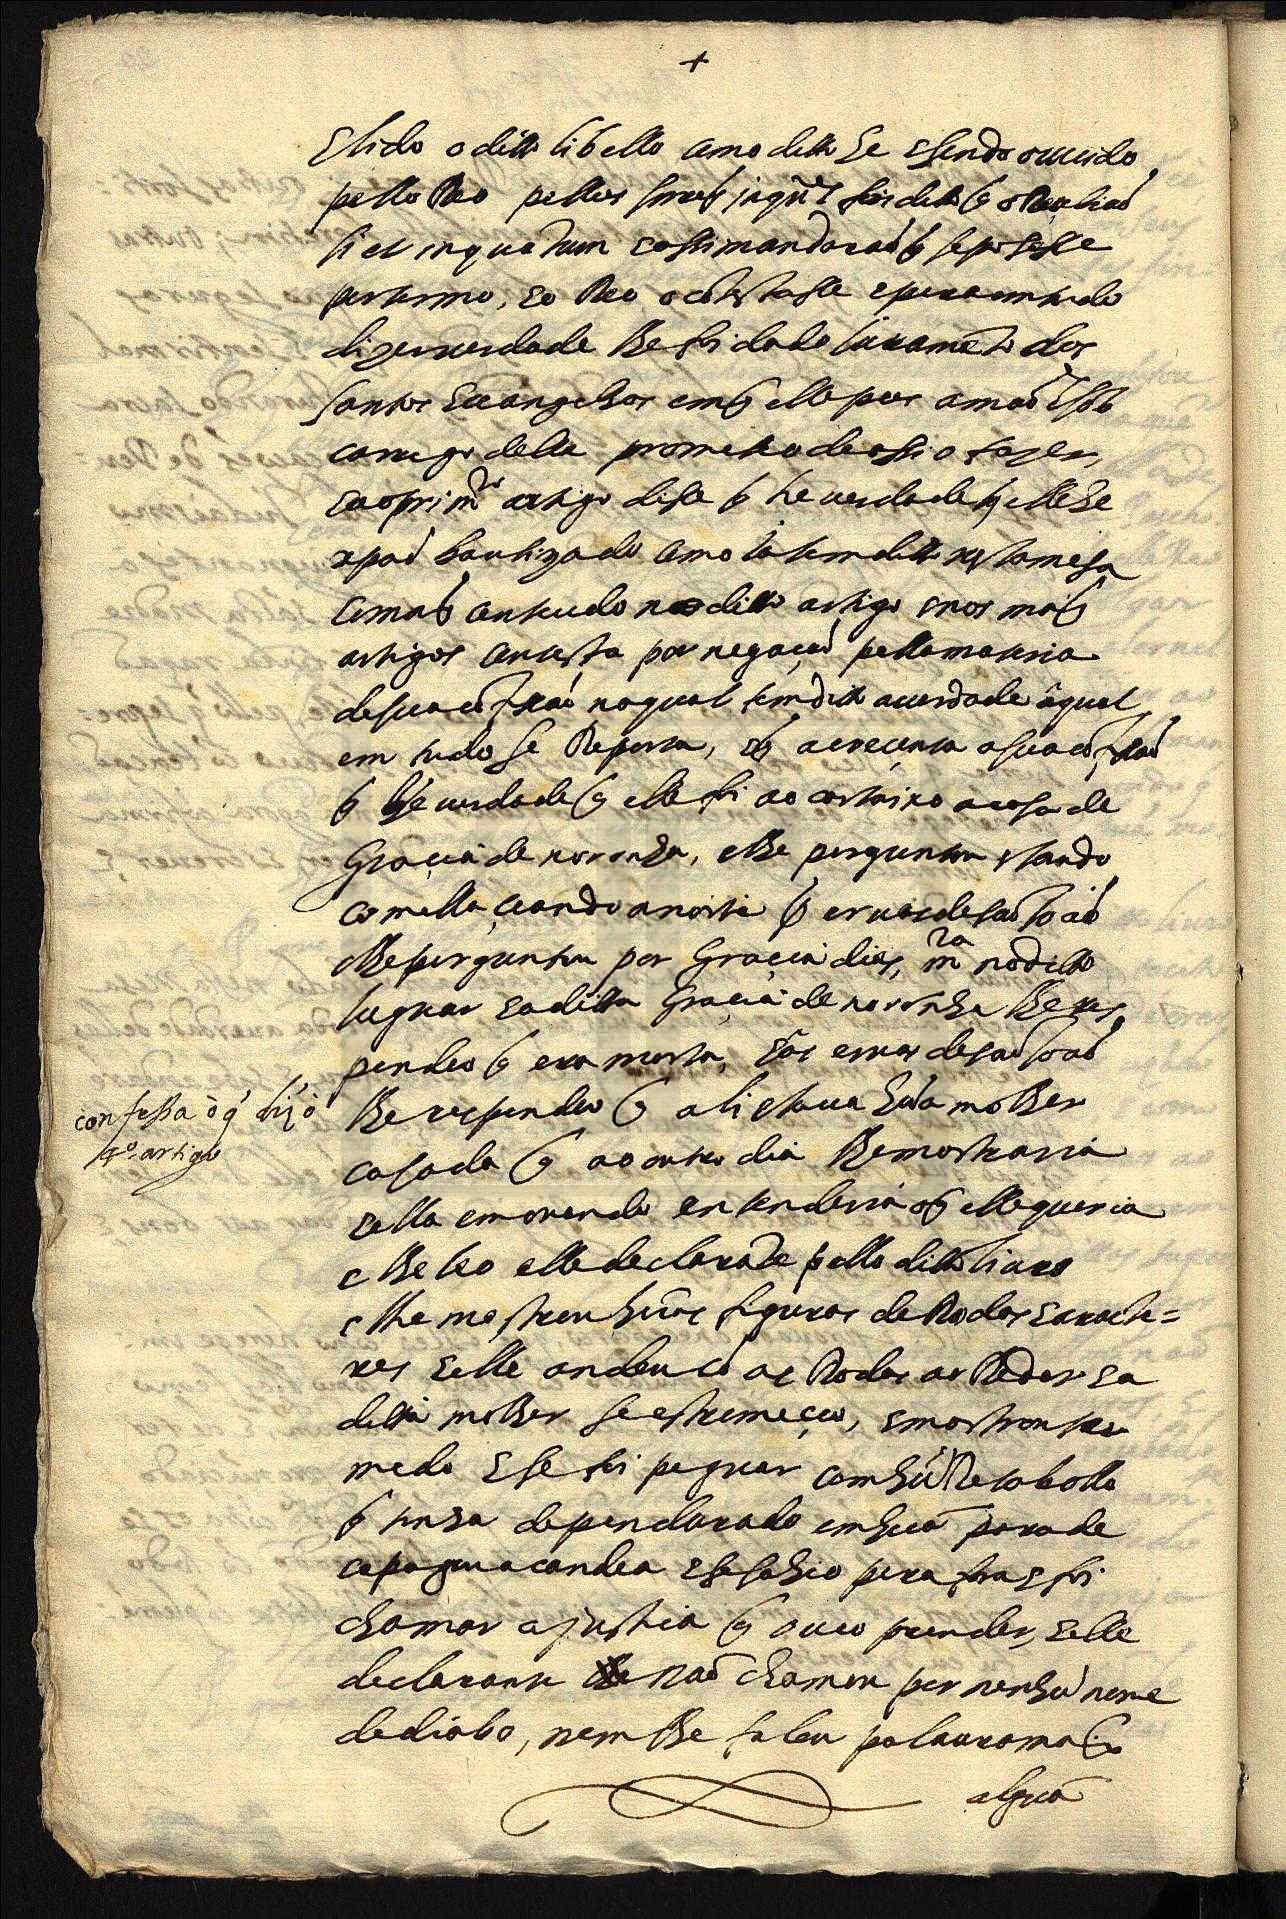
E lido o ditto libello como ditto he E sendo ouuido
pello Reo pello Snres̄ jnqures foi dito q̄ o Reçebiaõ
si et in quātum E assi mandaraõ q̄ se posesse
per termo, E o Reo o cōtestasse E pera em tudo
dizer uerdade lhe foi dado Iuramēto dos
santos Euangelhos em q̄ elle pos a maõ E sob
carrego delle prometeo de assi o fazer,
E ao primro artigo disse q̄ he uerdade q̄ elle he
xpaõ bautizado como Ia tem ditto nesta mesa
E o mais conteudo no ditto artigo e nos mais
artigos contesta por negaçaõ pella materia
de sua cōfissaõ na qual tem ditto a uerdade â qual
em tudo se Reporta, E q̄ acreçenta a sua cōfissaõ
q̄ he uerdade q̄ elle foi ao cartaixo a casa de
Graçia de noronha, e lhe perguntou estando
com ella çeando a noite p̄ eruas de saõ Joaõ
e lhe perguntou por Graçia dias, mra no ditto
luguar E a ditta Graçia de noronha lhe res
pondeo q̄ era morta, E âs eruas de saõ Joaõ
lhe respondeo q̄ ali estaua huā molher
casada q̄ ao outro dia lhe mostraria
E ella em o uendo entenderia o q̄ elle queria
E lhe leo elle declarāte pello ditto liuro
E lhe mostrou huās figuras de Rodas E aracte
res E elle andou cō as Rodas ao Redor E a
ditta molher se estremeçeo, E mostrou seo
medo E se foi peguar com hū Retabollo
q̄ tinha dependurado em huā parade
E apagou a candea E se sahio pera fora E foi
chamar a justica q̄ o ueo prender, E elle
declarante lhe naõ chamou per nenhū nome
de diabo, nem lhe falou palaura mais
alguā
